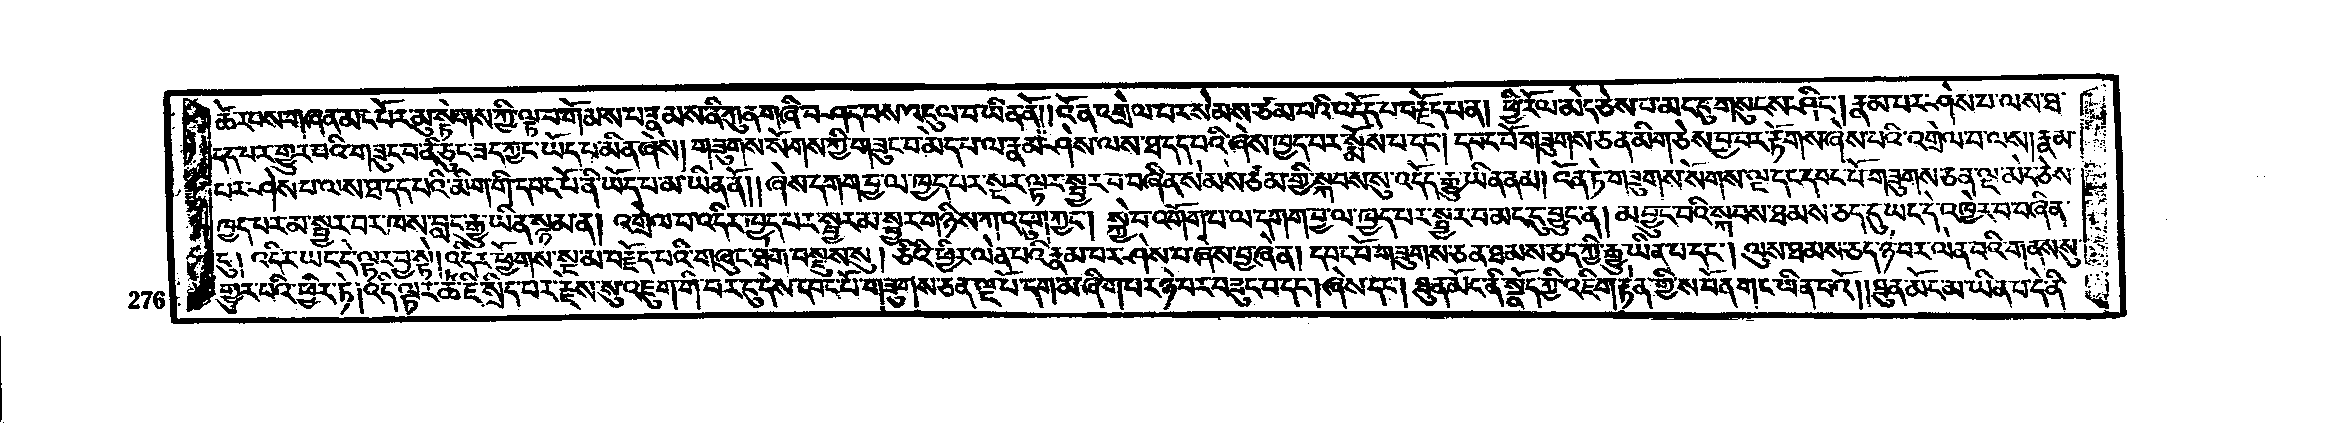ཚེ་རབས་གཞན་མང་པོར་མུ་སྟེགས་ཀྱི་ལྟ་བ་གོམས་པ་རྣམས་ནི་ཀུན་གཞི་བཤད་པས་འདུལ་བ་ཡིན་ནོ། །འོ་ན་འགྲེལ་པར་སེམས་ཙམ་པའི་འདོད་པ་བརྗོད་པ་ན། ཕྱི་རོལ་མེད་ཅེས་པ་མང་དུ་གསུངས་ཤིང་། རྣམ་པར་ཤེས་པ་ལས་ཐ་
དད་པར་གྱུར་བའི་གཟུང་བ་ནི་ཅུང་ཟད་ཀྱང་ཡོད་པ་མིན་ཞེས། གཟུགས་སོགས་ཀྱི་གཟུང་བ་མེད་པ་ལ་རྣམ་ཤེས་ལས་ཐ་དད་པའི་ཞེས་ཁྱད་པར་སྨོས་པ་དང་། དབང་པོ་གཟུགས་ཅན་མིག་ཅེས་བྱ་བར་རྟོགས་ཞེས་པའི་འགྲེལ་པ་ལས། རྣམ་
པར་ཤེས་པ་ལས་ཐ་དད་པའི་མིག་གི་དབང་པོ་ནི་ཡོད་པ་མ་ཡིན་ནོ། །ཞེས་དགག་བྱ་ལ་ཁྱད་པར་སྔར་ལྟར་སྦྱར་བ་བཞིན་སེམས་ཙམ་གྱི་སྐབས་སུ་འདོད་རྒྱུ་ཡིན་ནམ། འོན་ཏེ་གཟུགས་སོགས་ལྔ་དང་དབང་པོ་གཟུགས་ཅན་ལྔ་མེད་ཅེས་
ཁྱད་པར་མ་སྦྱར་བར་ཁས་བླང་རྒྱུ་ཡིན་སྙམ་ན། འགྲེལ་པ་འདིར་ཁྱད་པར་སྦྱར་མ་སྦྱར་གཉིས་ཀ་འདུག་ཀྱང་། སྐྱེ་བ་འགོག་པ་ལ་དགག་བྱ་ལ་ཁྱད་པར་སྦྱར་བ་མང་དུ་བྱུང་ན། མ་བྱུང་བའི་སྐབས་ཐམས་ཅད་དུ་ཡང་དེ་འཁྱེར་བ་བཞིན་
དུ། འདིར་ཡང་དེ་ལྟར་བྱ་སྟེ། འདིར་ཕྱོགས་སྔ་མ་བརྗོད་པའི་གཞུང་ཐེག་བསྡུས་སུ། ཅིའི་ཕྱིར་ལེན་པའི་རྣམ་པར་ཤེས་པ་ཞེས་བྱ་ཞེ་ན། དབང་པོ་གཟུགས་ཅན་ཐམས་ཅད་ཀྱི་རྒྱུ་ཡིན་པ་དང་། ལུས་ཐམས་ཅད་ཉེ་བར་ལེན་པའི་གནས་སུ་
གྱུར་པའི་ཕྱིར་ཏེ། འདི་ལྟར་ཚེ་ཇི་སྲིད་པར་རྗེས་སུ་འཇུག་གི་བར་དུ་དེས་དབང་པོ་གཟུགས་ཅན་ལྔ་པོ་དག་མ་ཞིག་པར་ཉེ་བར་བཟུང་བ་དང་། ཞེས་དང་། ཐུན་མོང་ནི་སྣོད་ཀྱི་འཇིག་རྟེན་གྱི་ས་བོན་གང་ཡིན་པའོ། །ཐུན་མོང་མ་ཡིན་པ་དེ་ནི་